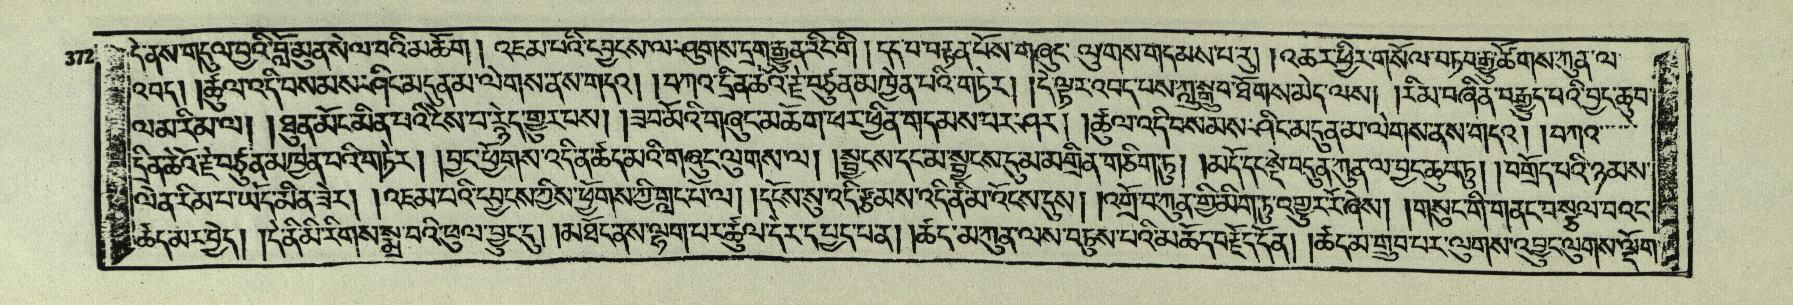དེ་ནས་གདུལ་བྱའི་བློ་མུན་སེལ་བའི་མཆོག །འཇམ་པའི་དབྱངས་ལ་ཤུགས་དྲག་རྒྱུན་རིང་གི །དད་པ་བརྟན་པོས་གཞུང་ལུགས་གདམས་པ་རུ། །འཆར་ཕྱིར་གསོལ་བཏབ་རྒྱུ་ཚོགས་ཀུན་ལ་
འབད། །ཚུལ་འདི་བསམས་ཤིང་མདུན་མ་ལེགས་ནས་གདའ། །བཀའ་དྲིན་ཆེའོ་རྗེ་བཙུན་མཁྱེན་པའི་གཏེར། །དེ་ལྟར་འབད་པས་ཀླུ་སྒྲུབ་ཐོགས་མེད་ལས། །རིམ་བཞིན་བརྒྱུད་པའི་བྱང་ཆུབ་
ལམ་རིམ་ལ། །ཐུན་མོང་མིན་པའི་ངེས་པ་རྙེད་གྱུར་པས། །ཟབ་མོའི་གཞུང་མཆོག་ཕར་ཕྱིན་གདམས་པར་ཤར། །ཚུལ་འདི་བསམས་ཤིང་མདུན་མ་ལེགས་ནས་གདའ། །བཀའ་
དྲིན་ཆེའོ་རྗེ་བཙུན་མཁྱེན་པའི་གཏེར། །བྱང་ཕྱོགས་འདི་ན་ཚད་མའི་གཞུང་ལུགས་ལ། །སྦྱངས་དང་མ་སྦྱངས་དུ་མ་མགྲིན་གཅིག་ཏུ། །མདོ་དང་སྡེ་བདུན་ཀུན་ལ་བྱང་ཆུབ་ཏུ། །བགྲོད་པའི་ཉམས་
ལེན་རིམ་པ་ཡོད་མིན་ཟེར། །འཇམ་པའི་དབྱངས་ཀྱིས་ཕྱོགས་ཀྱི་གླང་པོ་ལ། །དངོས་སུ་འདི་རྩམས་འདི་ནི་མ་འོངས་དུས། །འགྲོ་བ་ཀུན་གྱི་མིག་ཏུ་འགྱུར་རོ་ཞེས། །གསུང་གི་གནང་བ་སྩལ་བའང་
ཚད་མར་བྱེད། །དེ་ནི་མི་རིགས་སྨྲ་བའི་ཕུལ་བྱུང་དུ། །མཐོང་ནས་ལྷག་པར་ཚུལ་དེར་དཔྱད་པ་ན། །ཚད་མ་ཀུན་ལས་བཏུས་པའི་མཆོད་བརྗོད་དོན། །ཚད་མ་གྲུབ་པར་ལུགས་འབྱུང་ལུགས་ལྡོག་